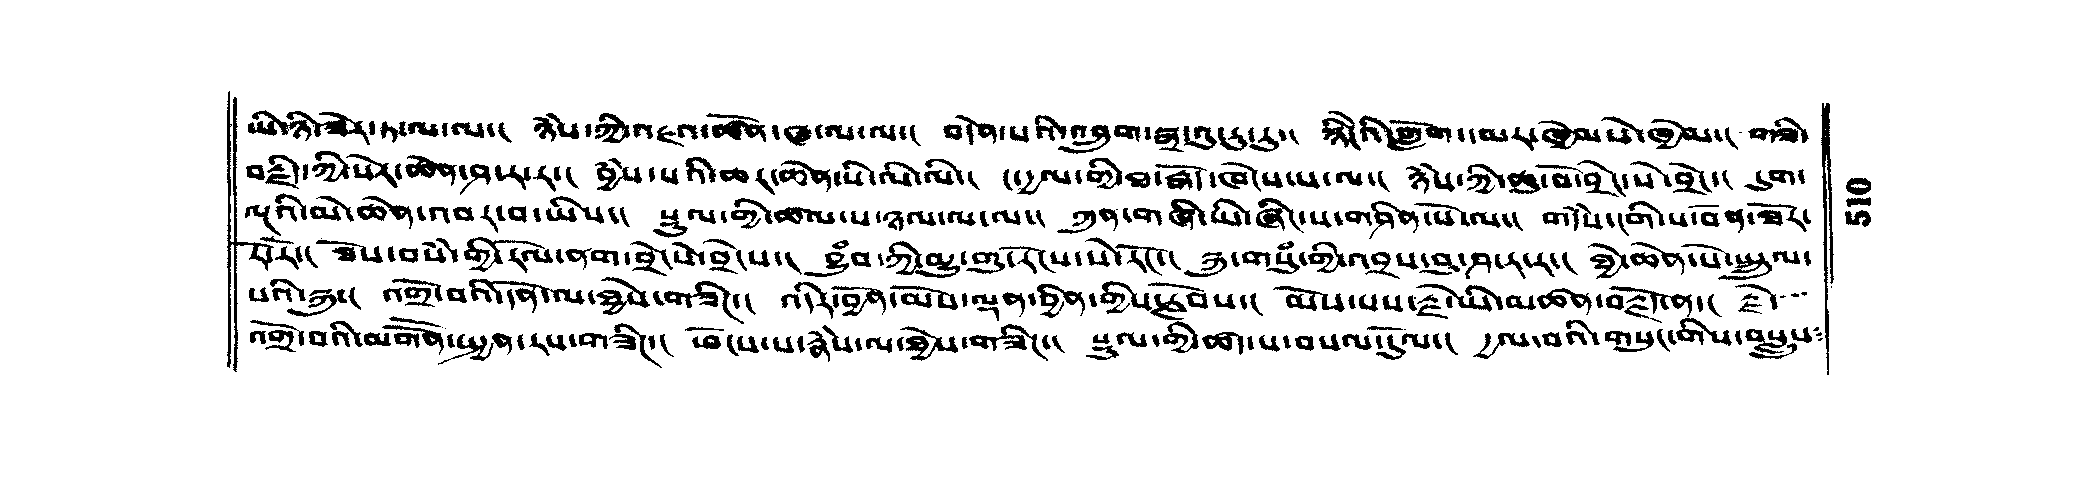ཡི་འོད་ཟེར་ཏ་ལ་ལ། །ཉམས་ཀྱི་འཇའ་ཚོན་ཝ་ལ་ལ། །བདེན་པའི་འབྲུག་སྒྲ་འུ་རུ་རུ། །སྙིང་རྗེའི་གློག་དམར་ཁྱེམས་སེ་ཁྱེམ། །གཟི་
བརྗིད་ཀྱི་སེར་ཆེན་ཤ་ར་ར། །བྱམས་པའི་ཆར་ཆེན་སི་ལི་ལི། །ང་རྒྱལ་གྱི་ཐ་རྒོད་ཁེངས་པ་ལ། །ཉམས་ཀྱི་ཆུ་བོ་བྲེངས་སེ་བྲེང་། །དུག་
ལྔའི་མེ་ཆེན་འབར་བ་ཡིས། །སྡུག་བསྔལ་གྱི་ཚལ་བ་ཉལ་ལ་ལ། །ཀུན་གཞི་ཡི་ཞིང་ས་གཤིན་པོ་ལ། །གདམས་ངག་གི་ས་བོན་ཐོར་
རོ་རོ། །ཐོས་བསམ་གྱི་རོལ་ནག་བྲེངས་སེ་བྲེང་། །བྱང་ཆུབ་ཀྱི་མྱུ་གུ་རོངས་སེ་རོང་། །སྐུ་གསུམ་གྱི་འབྲས་བུ་ཤ་ར་ར། །ཐུགས་རྗེ་ཆེན་པོ་སྤྲུལ་
བའི་སྐུ། །འགྲོ་བའི་དོན་ལ་ཐུགས་རྗེས་གཟིགས། །འདིར་བྱོན་མོས་ལྡན་བྱིན་གྱིས་རློབས། །མོས་པས་རྗེ་ཡི་མཚན་བརྗོད་ན། །རྗེ་
འགྲོ་བའི་མགོན་པོ་སྤྱན་རས་གཟིགས། །ཕོངས་པ་རྣམས་ལ་ཐུགས་རྗེས་གཟིགས། །སྡུག་བསྔལ་གྱི་ཚད་པ་བསལ་དུ་གསོལ། །རྒྱལ་བའི་གསུང་གིས་བསླུས་